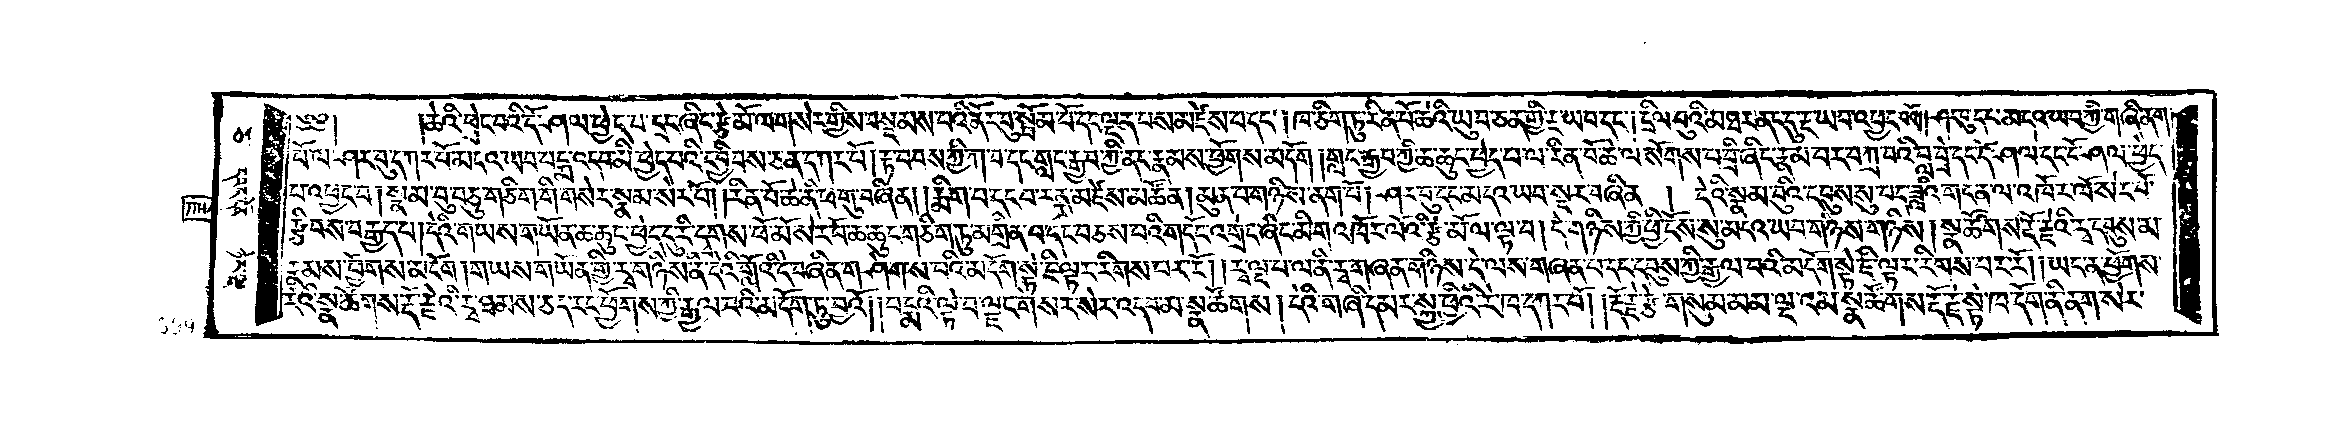༄༅། །ཆེའི་ཕྲེང་བའི་དོ་ཤལ་ཕྱེད་པ་དྲང་ཞིང་རྩེ་མོ་ལ་གསེར་གྱིས་བསྡམས་པའི་ནོར་བུ་སྦོམ་པོ་དང་ལྡན་པས་མཛེས་པ་དང་། ཁ་ཅིག་ཏུ་རིན་པོ་ཆེའི་ཡུབ་ཅན་གྱི་རྔ་ཡབ་དང་། དྲིལ་བུའི་མཐར་ནང་དུ་རྔ་ཡབ་འཕྱང་བའོ། །ཤར་བུ་དང་མདའ་ཡབ་ཀྱི་གཞི་ནག་
པོ་ལ་ཤང་བུ་དཀར་པོ་མངའ་ཡབ་པདམ་འདབ་མ་ཕྱེད་པའི་དབྱིབས་ཅན་དཀར་པོ། རྟ་བབས་ཀྱི་ཀ་བ་དང་གླང་རྒྱབ་ཀྱི་ནང་རྣམས་ཕྱོགས་མདོག །གླང་རྒྱབ་ཀྱི་ཆ་ཆུང་ཕྱེད་པ་ལ་རིན་པོ་ཆེ་ལ་སོགས་པ་བྲི་ཞིང་རྣམ་པར་བཀྲ་བའི་བླ་བྲེ་དང་དོ་ཤལ་དང་པོ་ཤལ་ཕྱེད་
པ་འཕྱང་བ། སྣམ་བུ་བཅུ་གཅིག་གི་གསེར་སྣམ་སེར་པོ། །རིན་པོ་ཆེ་ནི་ཕ་གུ་བཞིན། །རྨིག་པ་དང་བ་རཌན་མཛེས་མཚོན། མུན་པ་གཉིས་ནག་པོ། ཤར་བུ་དང་མདའ་ཡབ་སྔར་བཞིན། དེའི་སྣམ་བུའི་དབུས་སུ་པདམ་ཟླའི་གདན་ལ་འཁོར་ལོ་སེར་པོ་
རྩིབས་བརྒྱད་པ། དེའི་གཡས་གཡོན་ཆ་ཆུང་ཕྱེད་དུ་རི་དྭགས་ཕོ་མོ་སེར་པོ་ཆ་ཆུང་གཅིག་ཏུ་མགྲིན་པ་དང་བཅས་པའི་གདོང་འགྲེང་ཞིང་མིག་འཁོར་ལོའི་རྩི་མོ་ལ་ལྟ་བ། དེ་གཉིས་ཀྱི་ཕྱི་ངོས་སུ་མངའ་ཡབ་གཉིས་གཉིས། སྣ་ཚོགས་རྡོ་རྗེའི་རྭ་དབུས་མ་
རྣམས་ཕྱོགས་མདོག །གཡས་གཡོན་གྱི་རྭ་གཉིས་ནི་དེའི་གློའི་དེ་བཞིན་གཤེགས་པའི་མདོག་སྟེ་ཇི་ལྟར་རིགས་པར་རོ། །རྭ་ལྔ་པ་ལ་ནི་རྭ་གཞན་གཉིས་དེ་ལས་གཞན་པ་དང་དབུས་ཀྱི་རྒྱལ་བའི་མདོག་སྟེ་ཇི་ལྟར་རིགས་པར་རོ། །ཡང་ན་ཕྱོགས་
རའི་སྣ་ཚོགས་རྡོ་རྗེའི་རྭ་ཐམས་ཅད་རང་ཕྱོགས་ཀྱི་རྒྱལ་བའི་མདོག་ཏུ་བྱའོ། །པདམའི་ལྟེ་བ་ལྗང་གི་སར་སེར་འདབ་མ་སྣ་ཚོགས། དེའི་གཞི་དམར་སྐྱ་ཕྱིའི་ར་ཁ་དཀར་པོ། །རྡོ་རྗེ་རྩེ་གསུམ་མམ་ལྔ་འམ་སྣ་ཚོགས་རྡོ་རྗེ་སྟེ་ཁ་དོག་ནི་ནག་སེར་